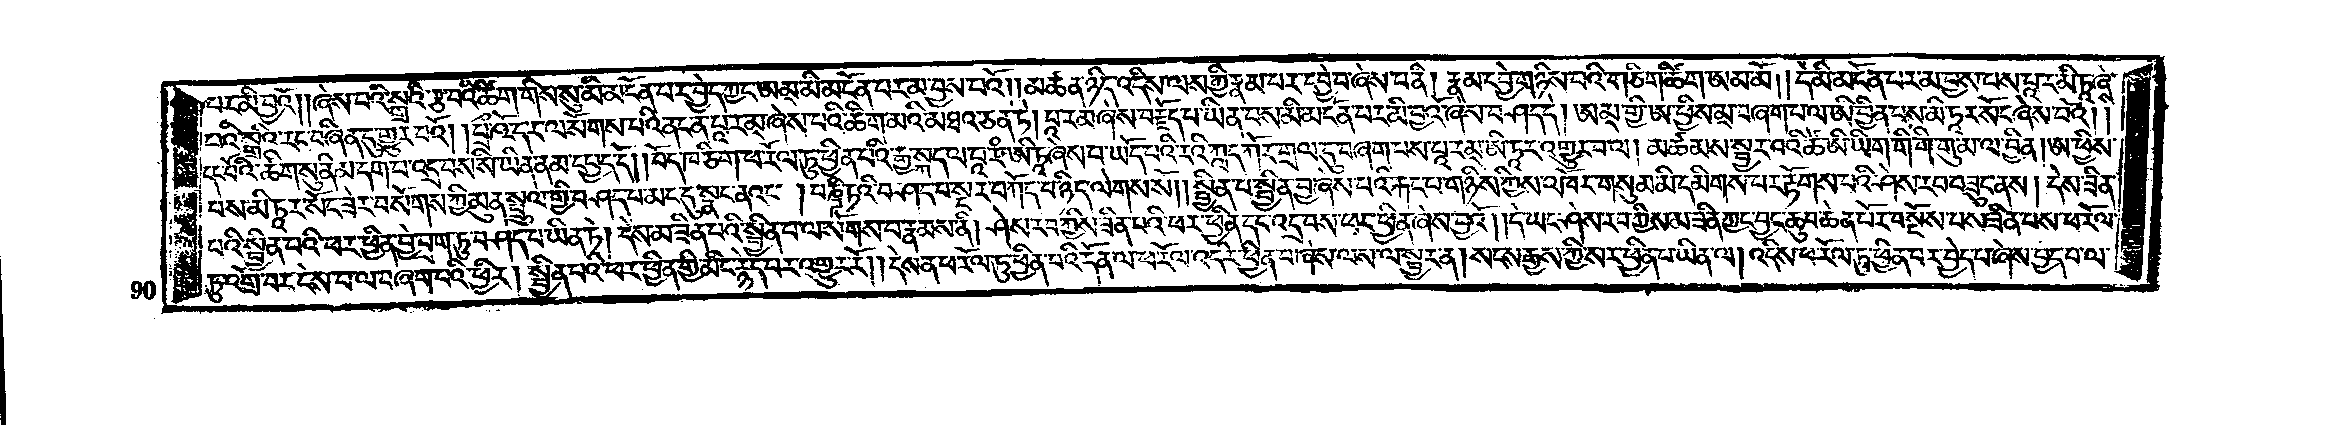པར་མི་བྱའོ། །ཞེས་པའི་སྒྲའི་རྩ་བའི་ཚིག་གིས་སུ་མི་མངོན་པར་བྱེད་ཀྱང་ཨམ་མི་མངོན་པར་མ་བྱས་པའོ། །མཚན་ཉིད་འདིས་ལས་ཀྱི་རྣམ་པར་དབྱེ་བ་ཞེས་པ་ནི། རྣམ་དབྱེ་གཉིས་པའི་གཅིག་ཚིག་ཨམ་མོ། །དེ་མི་མངོན་པར་མ་བྱས་པས་པཱ་ར་མི་ཏཱ་ཞེས་
པའི་སྒྲའི་རང་བཞིན་དུ་གྱུར་པའོ། །པྲྀ་ཥོ་ད་ར་ལ་སོགས་པའི་ནང་ན་པཱ་ར་མྲ་ཞེས་པའི་ཚིག་མའི་མཐའ་ཅན་ཏེ། པཱ་རམ་ཞེས་བརྗོད་པ་ཡིན་པས་མི་མངོན་པར་མི་བྱའོ་ཞེས་བཤད་དེ། ཨམ་གྱི་ཨ་ཕྱིས་མྲ་བཞག་པ་ལ་ཨི་བྱིན་པས་མི་ཏཱར་སོང་ཞེས་པའོ། །
དང་པོའི་ཚིག་སུ་ནི་མ་དག་པ་འདྲ་བས་སི་ཡིན་ནམ་དཔྱད་དོ། །བོད་ཁ་ཅིག་ཕ་རོལ་ཏུ་ཕྱིན་པའི་རྒྱ་སྐད་ལ་པཱ་རཾ་ཨི་ཏཱ་ཞེས་པ་ཡོད་པའི་རའི་ཀླད་ཀོར་གྲལ་དུ་བཞག་པས་པཱ་རམ་ཨི་ཏཱར་འགྱུར་བ་ལ། མཚམས་སྦྱར་བའི་ཚེ་ཨི་ཡིག་གི་གི་གུ་མ་ལ་བྱིན། ཨ་ཕྱིས་
པས་མི་ཏཱར་སོང་ཟེར་བ་སོགས་ཀྱི་མུན་སྤྲུལ་གྱི་བཤད་པ་མང་དུ་སྣང་ན་ཡང་། པཎྜི་ཏའི་བཤད་པ་སྔར་བཀོད་པ་ཉིད་ལེགས་སོ། །སྦྱིན་པ་སྦྱིན་བྱ་ཞེས་པའི་རྐང་པ་གཉིས་ཀྱིས་འཁོར་གསུམ་མི་དམིགས་པར་རྟོགས་པའི་ཤེས་རབ་བཟུང་ནས། དེས་ཟིན་
པའི་སྦྱིན་པའི་ཕར་ཕྱིན་བྱེ་བྲག་ཏུ་བཤད་པ་ཡིན་ཏེ། དེས་མ་ཟིན་པའི་སྦྱིན་པ་ལ་སོགས་པ་རྣམས་ནི། ཤེས་རབ་ཀྱིས་ཟིན་པའི་ཕར་ཕྱིན་དང་འདྲ་བས་ཕར་ཕྱིན་ཞེས་བྱའོ། །དེ་ཡང་ཤེས་རབ་ཀྱིས་མ་ཟིན་ཀྱང་བྱང་ཆུབ་ཆེན་པོར་བསྔོས་པས་ཟིན་པས་ཕ་རོལ་
ཏུ་འགྲོ་བར་ངེས་པ་ལ་བཞག་པའི་ཕྱིར། སྦྱིན་པའི་ཕར་ཕྱིན་གྱི་མིང་རྙེད་པར་འགྱུར་རོ། །དེས་ན་ཕ་རོལ་ཏུ་ཕྱིན་པའི་དོན་ལ་ཕ་རོལ་འདིར་ཕྱིན་པ་ཞེས་ལས་ལ་སྦྱར་ན། སངས་རྒྱས་ཀྱི་སར་ཕྱིན་པ་ཡིན་ལ། འདིས་ཕ་རོལ་ཏུ་ཕྱིན་པར་བྱེད་པ་ཞེས་བྱེད་པ་ལ་